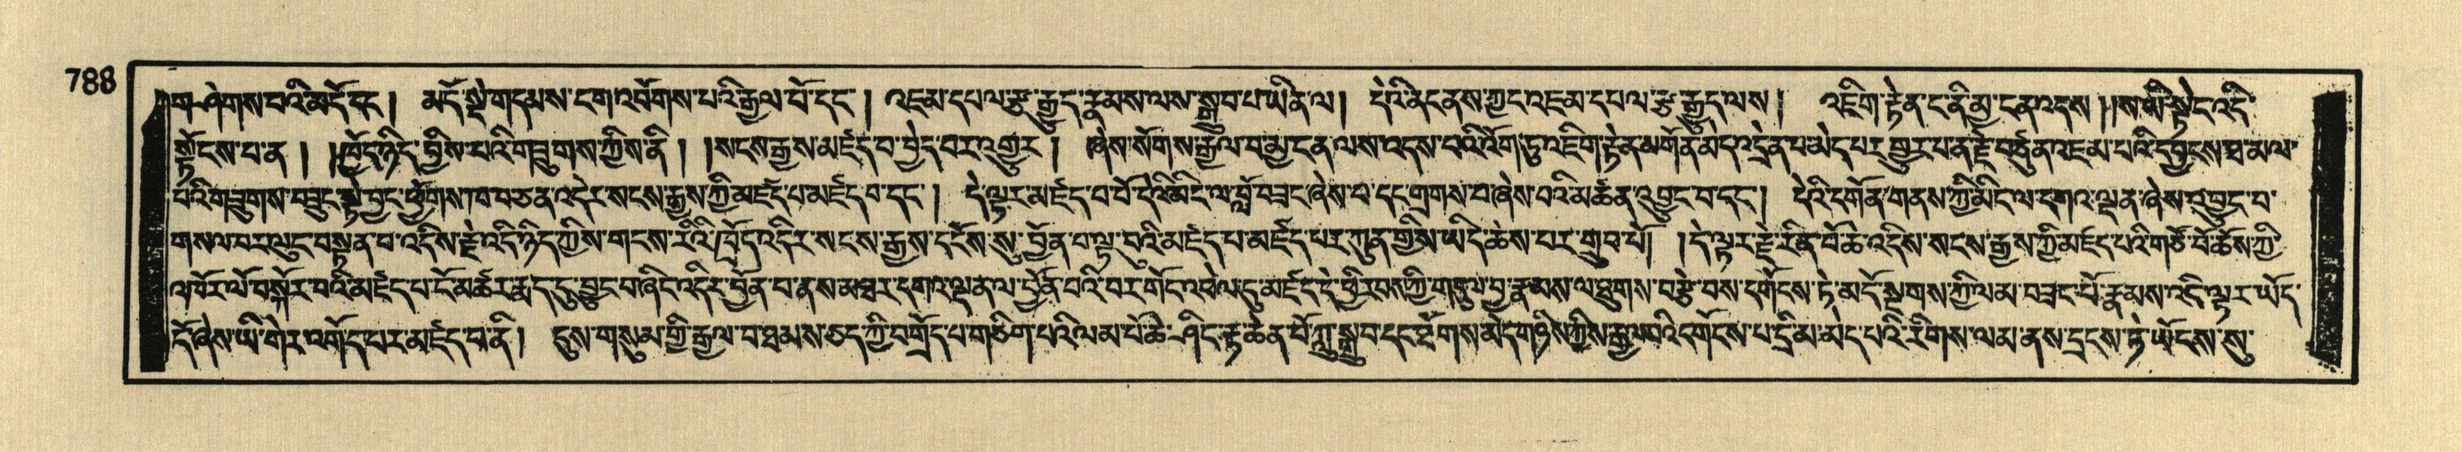གཤེགས་པའི་མདོ་དང་། མདོ་སྡེ་གདམས་ངག་འབོགས་པའི་རྒྱལ་པོ་དང་། འཇམ་དཔལ་རྩ་རྒྱུད་རྣམས་ལས་སྒྲུབ་པ་ཡིན་ལ། དེའི་ནང་ནས་ཀྱང་འཇམ་དཔལ་རྩ་རྒྱུད་ལས། འཇིག་རྟེན་ང་ནི་མྱ་ངན་འདས། །ས་ཡི་སྟེང་འདི་
སྟོངས་པ་ན། །ཁྱོད་ཉིད་བྱིས་པའི་གཟུགས་ཀྱིས་ནི། །སངས་རྒྱས་མཛད་བ་བྱེད་བར་འགྱུར། ཞེས་སོགས་རྒྱལ་བ་མྱ་ངན་ལས་འདས་བའི་འོག་ཏུ་འཇིག་རྟེན་མགོན་མེད་འདྲེན་པ་མེད་པར་གྱུར་པ་ན་རྗེ་བཙུན་འཇམ་པའི་དབྱངས་ཐ་མལ་
པའི་གཟུགས་བཟུང་སྟེ་བྱང་ཕྱོགས་ཁ་བ་ཅན་འདེར་སངས་རྒྱས་ཀྱི་མཛད་པ་མཛད་བ་དང་། དེ་ལྟར་མཛད་པ་པོ་དེའི་མིང་ལ་བློ་བཟང་ཞེས་པ་དང་གྲགས་བ་ཞེས་བའི་མཚན་འབྱུང་བ་དང་། དེའི་དགོན་གནས་ཀྱི་མིང་ལ་དགའ་ལྡན་ཞེས་འབྱུང་བ་
གསལ་བར་ལུང་བསྟན་པ་འདིས་རྗེ་འདི་ཉིད་ཀྱིས་གངས་རིའི་ཁྲོད་འདིར་སངས་རྒྱས་དངོས་སུ་བྱོན་བ་ལྟ་བུའི་མཛད་པ་མཛད་པར་ཀུན་གྱིས་ཡིད་ཆེས་པར་གྲུབ་པོ། །དེ་ལྟར་རྗེ་རིན་པོ་ཆེ་འདིས་སངས་རྒྱས་ཀྱི་མཛད་པའི་གཙོ་བོ་ཆོས་ཀྱི་
འཁོར་ལོ་བསྐོར་བའི་མཛད་པ་ངོ་མཚར་རྨད་དུ་བྱུང་བ་ཞིང་འདིར་བྱོན་པ་ནས་མཐར་དགའ་ལྡན་ལ་བྱོན་པའི་བར་གོང་འཕེལ་དུ་མཛད་དེ་ཕྱི་རབས་ཀྱི་གདུལ་བྱ་རྣམས་ལ་ཐུགས་བརྩེ་བས་དགོངས་ཏེ་མདོ་སྔགས་ཀྱི་ལམ་བཟང་པོ་རྣམས་འདི་ལྟར་ཡོད་
དོ་ཞེས་ཡི་གེར་འགོད་པར་མཛད་བ་ནི། དུས་གསུམ་གྱི་རྒྱལ་བ་ཐམས་ཅད་ཀྱི་བགྲོད་པ་གཅིག་པའི་ལམ་པོ་ཆེ་ཤིང་རྟ་ཆེན་པོ་ཀླུ་སྒྲུབ་དང་ཐོགས་མེད་གཉིས་ཀྱིས་རྒྱལ་བའི་དགོངས་པ་དྲི་མ་མེད་པའི་རིགས་ལམ་ནས་དྲངས་ཏེ་ཡོངས་སུ་